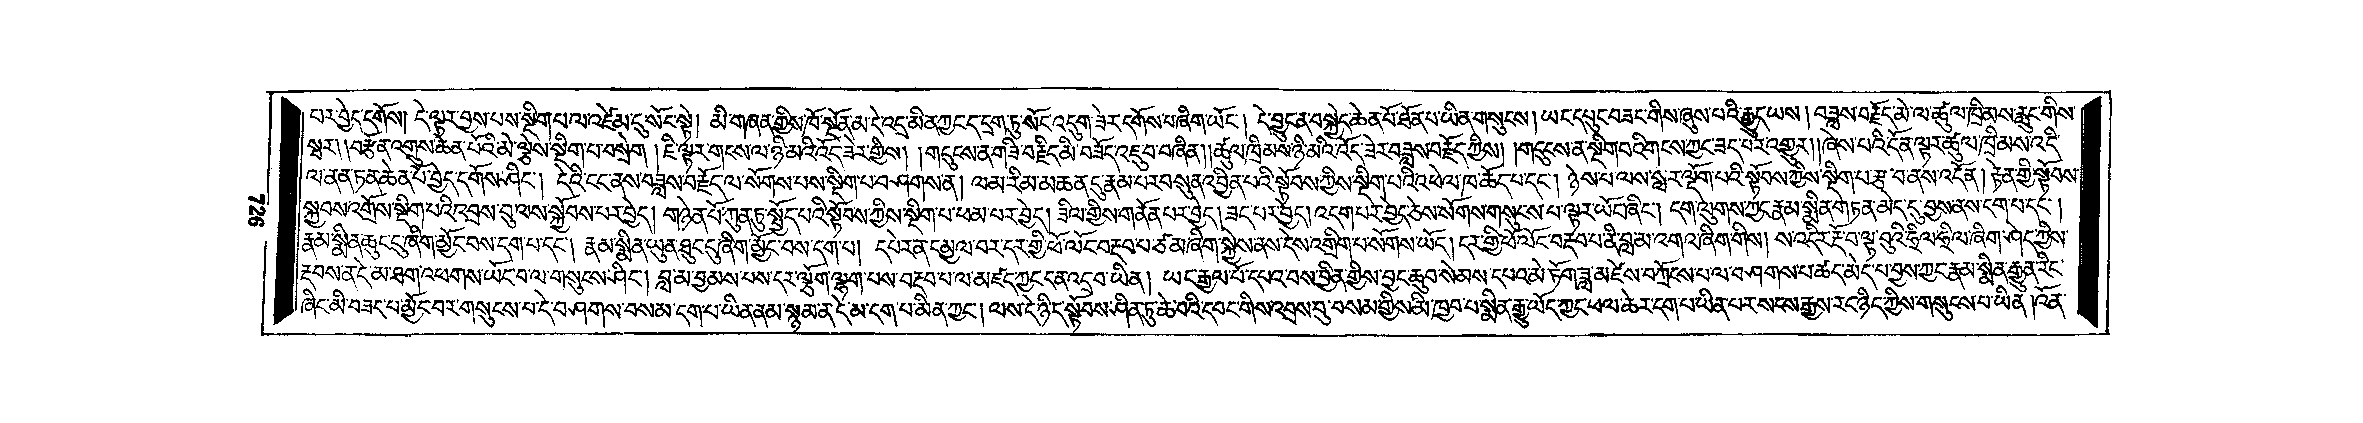པར་བྱེད་དགོས། དེ་ལྟར་བྱས་པས་སྡིག་པ་ལ་འཛེམ་དུ་སོང་སྟེ། མི་གཞན་གྱིས་ཁོ་སྔོན་མ་དེ་འདྲ་མིན་ཀྱང་ད་དྲག་ཏུ་སོང་འདུག་ཟེར་དགོས་པ་ཞིག་ཡོང་། དེ་བྱུང་ན་བསྐྱེད་ཆེན་པོ་ཐོན་པ་ཡིན་གསུངས། ཡང་དཔུང་བཟང་གིས་ཞུས་པའི་རྒྱུད་ཡས། བཟླས་བརྗོད་མེ་ལ་ཚུལ་ཁྲིམས་རླུང་གིས་
སྦར། །བརྩོན་འགྲུས་ཆེན་པོའི་མེ་ལྕེས་སྡིག་པ་བསྲེག །ཇི་ལྟར་གངས་ལ་ཉི་མའི་འོད་ཟེར་གྱིས། །གདུངས་ན་གཟི་བརྗིད་མི་བཟོད་འཇུ་བ་བཞིན། །ཚུལ་ཁྲིམས་ཉི་མའི་འོད་ཟེར་བཟླས་བརྗོད་ཀྱིས། །གདུངས་ན་སྡིག་བའི་གངས་ཀྱང་ཟད་པར་འགྱུར། །ཞེས་པའི་དོན་ལྟར་ཚུལ་ཁྲིམས་འདི་
ལ་ནན་ཏན་ཆེན་པོ་བྱེད་དགོས་ཤིང་། དེའི་ངང་ནས་བཟླས་བརྗོད་ལ་སོགས་པས་སྡིག་པ་བཤགས་ན། ལམ་རིམ་མཆན་དུ་རྣམ་པར་བསུན་འབྱིན་པའི་སྟོབས་ཀྱིས་སྡིག་པའི་འཕེལ་ཁ་ཆོད་པ་དང་། ཉེས་པ་ལས་སླར་ལྡོག་པའི་སྟོབས་ཀྱིས་སྡིག་པ་རྩ་བ་ནས་འདོན། རྟེན་གྱི་སྟོབས་
སྐྱབས་འགྲོས་སྡིག་པའི་འབྲས་བུ་ལས་སྐྱོབས་པར་བྱེད། གཉེན་པོ་ཀུན་ཏུ་སྤྱོད་པའི་སྟོབས་ཀྱིས་སྡིག་པ་ཕམ་པར་བྱེད། ཟིལ་གྱིས་གནོན་པར་བྱེད། ཟད་པར་བྱེད། འདག་པར་བྱེད་ཅེས་སོགས་གསུངས་པ་ལྟར་ཡོང་ཞིང་། དག་ལུགས་ཀྱང་རྣམ་སྨིན་གཏན་མེད་དུ་བྱས་ནས་དག་པ་དང་།
རྣམ་སྨིན་ཆུང་ངུ་ཞིག་མྱོང་བས་དག་པ་དང་། རྣམ་སྨིན་ཡུན་ཐུང་ངུ་ཞིག་མྱོང་བས་དག་པ། དཔེར་ན་དམྱལ་བར་དར་གྱི་ཕོ་ལོང་བརྡབ་པ་ཙམ་ཞིག་སྐྱེས་ནས་དེས་འགྲིག་པ་སོགས་ཡོད། དར་གྱི་ཕོ་ལོང་བརྡབ་པ་ནི་བླ་མ་འགའ་ཞིག་གིས། ས་འདིར་རྡོ་བ་ལྟ་བུའི་ཧྲིལ་ཧྲིལ་ཞིག་ཤེད་ཀྱིས་
རྡབས་ན་དེ་མ་ཐག་འཕགས་ཡོང་བ་ལ་གསུངས་ཤིང་། བླ་མ་བྱམས་པས་དར་ལྕོག་ལྷག་པས་བརྡབ་པ་ལ་མཛད་ཀྱང་དན་འདྲ་བ་ཡིན། ཡང་རྒྱལ་པོ་དཔའ་བས་བྱིན་གྱིས་བྱང་ཆུབ་སེམས་དཔའ་མེ་ཏོག་ཟླ་མཛེས་བཀྲོངས་པ་ལ་བཤགས་པ་ཚད་མེད་པ་བྱས་ཀྱང་རྣམ་སྨིན་རྒྱུན་རིང་
ཞིང་མི་བཟད་པ་མྱོང་བར་གསུངས་པ་དེ་བཤགས་བསམ་དག་པ་ཡིན་ནམ་སྙམ་ན་དེ་མ་དག་པ་མིན་ཀྱང་། ལས་དེ་ཉིད་སྟོབས་ཤིན་ཏུ་ཆེ་བའི་དབང་གིས་འབྲས་བུ་བསམ་གྱིས་མི་ཁྱབ་པ་སྨིན་རྒྱུ་ཡོད་ཀྱང་ཕལ་ཆེར་དག་པ་ཡིན་པར་སངས་རྒྱས་རང་ཉིད་ཀྱིས་གསུངས་པ་ཡིན། འོན་